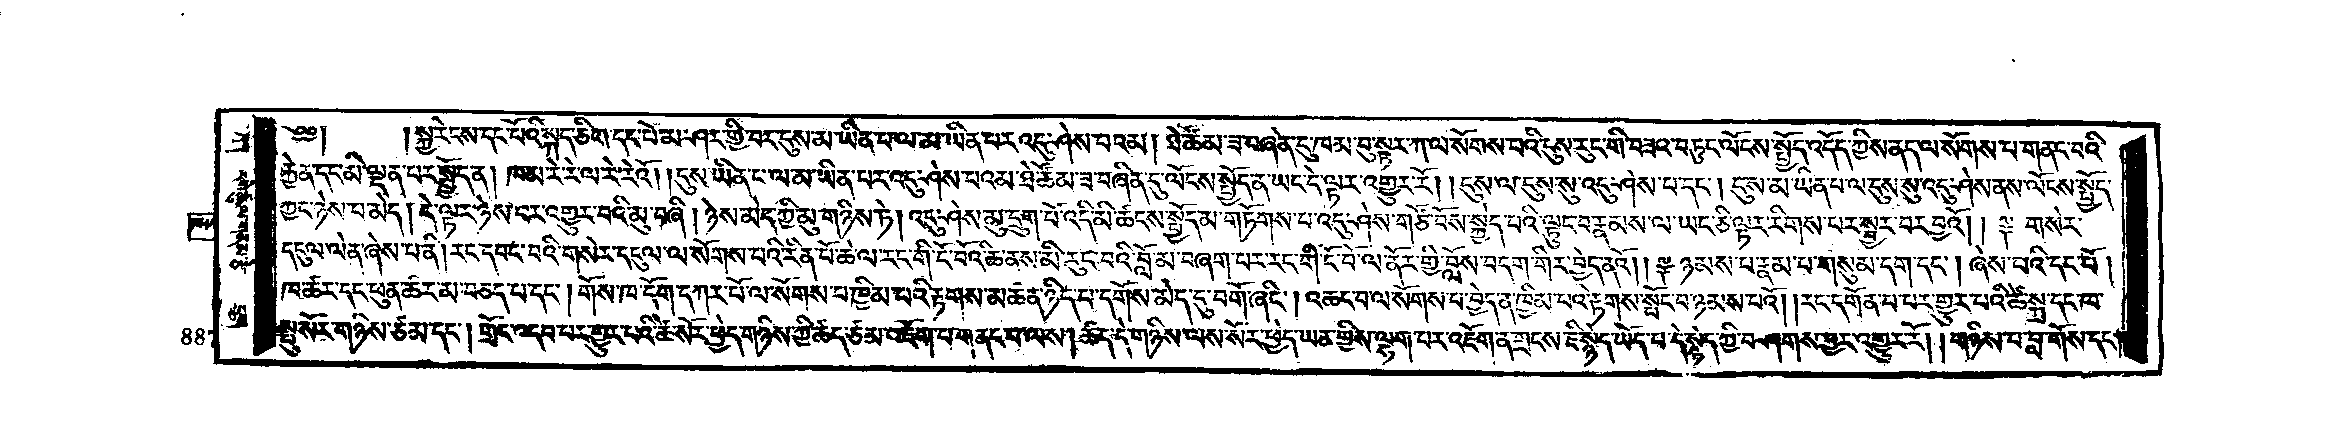༄༅། །སྐྱ་རེངས་དང་པོའི་སྐད་ཅིག་དང་པོ་མ་ཤར་གྱི་བར་དུས་མ་ཡིན་པ་ལ་མ་ཡིན་པར་འདུ་ཤེས་པའམ། ཐེ་ཚོམ་ཟ་བཞེན་དུ་ཁམ་བུ་སྟར་ཀ་ལ་སོགས་པའི་དུས་རུང་གི་བཟའ་བཏུང་ལོངས་སྤྱོད་འདོད་ཀྱིས་ནད་ལ་སོགས་པ་གནང་བའི་
རྐྱེན་དང་མི་ལྡན་པར་སྤྱོད་ན། ཁམ་རེ་རེ་ལ་རེ་རེའོ། །དུས་ཡིན་ང་ལ་མ་ཡིན་པར་འདུ་ཤེས་པའམ་ཐེ་ཚོམ་ཟ་བཞིན་དུ་ལོངས་སྤྱོད་ན་ཡང་དེ་ལྟར་འགྱུར་རོ། །དུས་ལ་དུས་སུ་འདུ་ཤེས་པ་དང་། དུས་མ་ཡིན་པ་ལ་དུས་སུ་འདུ་ཤེས་ནས་ལོངས་སྤྱོད་
ཀྱང་ཉེས་པ་མེད། དེ་ལྟར་ཉེས་པར་འགྱུར་བའི་མུ་བཞི། ཉེས་མེད་ཀྱི་མུ་གཉིས་ཏེ། འདུ་ཤེས་མུ་དྲུག་པོ་འདི་མི་ཚངས་སྤྱོད་མ་གཏོགས་པ་འདུ་ཤེས་གཙོ་བོས་སྐྱེད་པའི་ལྟུང་བ་རྣམས་ལ་ཡང་ཅི་ལྟར་རིགས་པར་སྦྱར་བར་བྱའོ།། ༈ གསེར་
དངུལ་ལེན་ཞེས་པ་ནི། རང་དབང་བའི་གསེར་དངུལ་ལ་སོགས་པའི་རིན་པོ་ཆེ་ལ་རང་གི་ངོ་བོའི་ཆ་ནས་མི་རུང་བའི་བློ་མ་བཞག་པར་རང་གི་ངོ་བོ་ལ་ནོར་གྱི་བློས་བདག་གིར་བྱེད་ནའོ།། ༈ ཉམས་པ་རྣམ་པ་གསུམ་དག་དང་། ཞེས་པའི་དང་པོ།
ཁ་ཚར་དང་ཕུན་ཚར་མ་བཅད་པ་དང་། གོས་ཁ་དོག་དཀར་པོ་ལ་སོགས་པ་ཁྱིམ་པའི་རྟགས་མཚན་ཉིད་པ་དགོས་མེད་དུ་བགོ་ཞིང་། འཆང་བ་ལ་སོགས་པ་བྱེད་ན་ཁྱིམ་པའི་རྟགས་སྤོང་བ་ཉམས་པའོ། །རང་དགོན་པ་པར་གྱུར་པའི་ཚེ་སྐྲ་དང་ཁ་
སྤུ་སོར་གཉིས་ཙམ་དང་། གྲོང་འདབ་པར་གྱུར་པའི་ཚེ་སོར་ཕྱེད་གཉིས་ཀྱི་ཚད་ཙམ་འཇོག་པ་གནང་བ་ལས། ཚད་དེ་གཉིས་ལས་སོར་ཕྱེད་ཡན་གྱིས་ལྷག་པར་འཇོག་ན་གྲངས་ཇི་སྙེད་ཡོད་པ་དེ་སྙེད་ཀྱི་བཤགས་བྱར་འགྱུར་རོ། །གཉིས་པ་བླ་གོས་དང་།